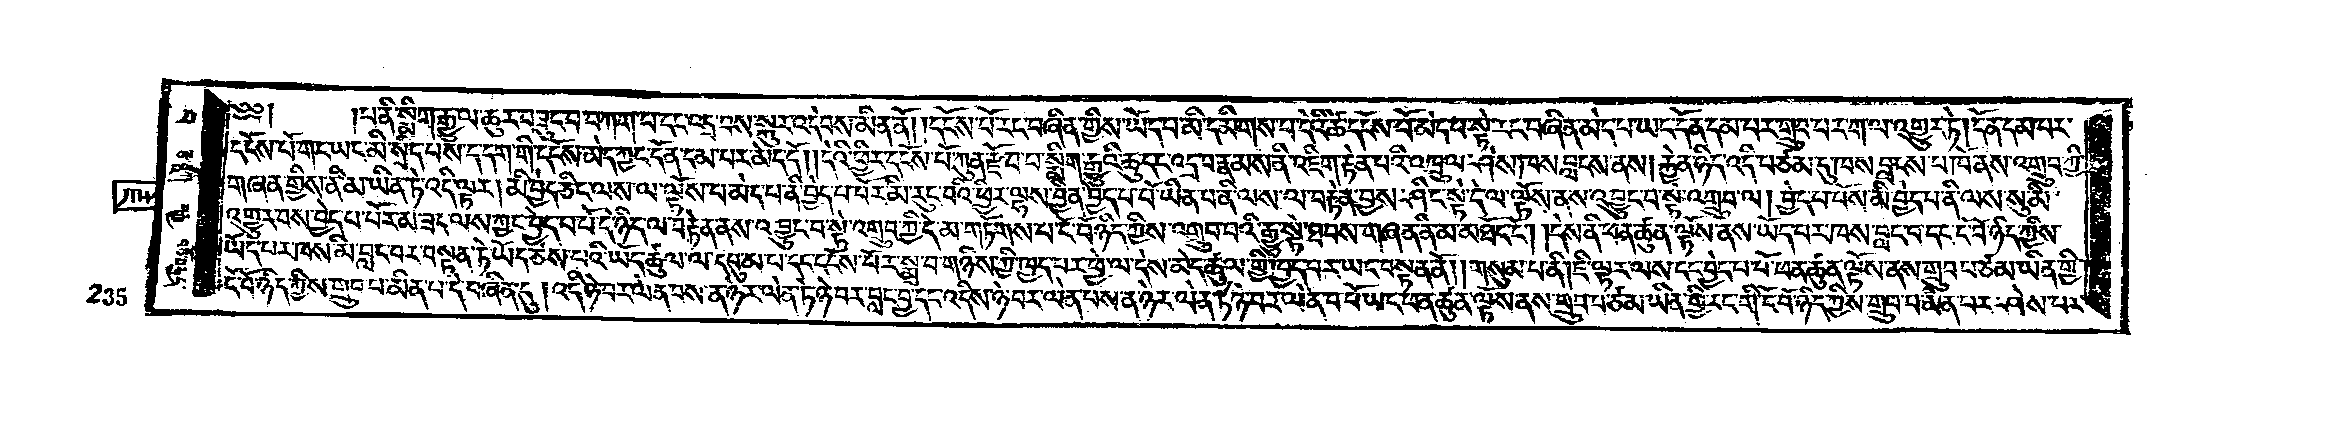༄༅། །པ་ནི་སྨིག་རྒྱུ་ལ་ཆུར་བཟུང་བ་བཀག་པ་དང་འདྲ་བས་སྐུར་འདེབས་མིན་ནོ། །དངོས་པོ་རང་བཞིན་གྱིས་ཡོད་པ་མི་དམིགས་པ་དེའི་ཚེ་དངོས་པོ་མེད་པ་སྟེ་རང་བཞིན་མེད་པ་ཡང་དོན་དམ་པར་གྲུབ་པར་ག་ལ་འགྱུར་ཏེ། དོན་དམ་པར་
དངོས་པོ་གང་ཡང་མི་སྲིད་པས་དེ་དག་གི་དངོས་མེད་ཀྱང་དོན་དམ་པར་མེད་དོ། །དེའི་ཕྱིར་དངོས་པོ་ཀུན་རྫོབ་པ་སྨིག་རྒྱུའི་ཆུ་དང་འདྲ་བ་རྣམས་ནི་འཇིག་རྟེན་པའི་འཁྲུལ་ཤེས་ཁས་བླངས་ནས། རྐྱེན་ཉིད་འདི་པ་ཙམ་དུ་ཁས་བླངས་པ་ཁོ་ནས་འགྲུབ་ཀྱི་
གཞན་གྱིས་ནི་མ་ཡིན་ཏེ་འདི་ལྟར། མི་བྱེད་ཅིང་ལས་ལ་ལྟོས་པ་མེད་པ་ནི་བྱེད་པ་པོར་མི་རུང་བའི་ཕྱིར་ལྷས་བྱིན་བྱེད་པ་པོ་ཡིན་པ་ནི་ལས་ལ་བརྟེན་བྱས་ཤིང་སྟེ་དེ་ལ་ལྟོས་ནས་འབྱུང་བ་སྟེ་འགྲུབ་ལ། བྱེད་པ་པོས་མི་བྱེད་པ་ནི་ལས་སུ་མི་
འགྱུར་བས་བྱེད་པ་པོར་མ་ཟད་ལས་ཀྱང་བྱེད་པ་པོ་དེ་ཉིད་ལ་བརྟེན་ནས་འབྱུང་བ་སྟེ་འགྲུབ་ཀྱི་དེ་མ་གཏོགས་པ་ངོ་བོ་ཉིད་ཀྱིས་འགྲུབ་པའི་རྒྱུ་སྟེ་ཐབས་གཞན་ནི་མ་མཐོང་ངོ། །དེས་ནི་ཕན་ཚུན་ལྟོས་ནས་ཡོད་པར་ཁས་བླང་བ་དང་ངོ་བོ་ཉིད་ཀྱིས་
ཡོད་པར་ཁས་མི་བླང་བར་བསྟན་ཏེ་ཡོད་ཅེས་པའི་ཡོད་ཚུལ་ལ་དབུ་མ་པ་དང་དངོས་པོར་སྨྲ་བ་གཉིས་ཀྱི་ཁྱད་པར་ཕྱེ་ལ་དེས་མེད་ཚུལ་གྱི་ཁྱད་པར་ཡང་བསྟན་ནོ། །གསུམ་པ་ནི། ཇི་ལྟར་ལས་དང་བྱེད་པ་པོ་ཕན་ཚུན་ལྟོས་ནས་གྲུབ་པ་ཙམ་ཡིན་གྱི་
ངོ་བོ་ཉིད་ཀྱིས་གྲུབ་པ་མིན་པ་དེ་བཞིན་དུ། འདི་ཉེ་བར་ལེན་བས་ན་ཉེར་ལེན་ཏེ་ཉེ་བར་བླང་བྱ་དང་འདིས་ཉེ་བར་ལེན་པས་ན་ཉེར་ལེན་ཏེ་ཉེ་བར་ལེན་པ་པོ་ཡང་ཕན་ཚུན་ལྟོས་ནས་གྲུབ་པ་ཙམ་ཡིན་གྱི་རང་གི་ངོ་བོ་ཉིད་ཀྱིས་གྲུབ་པ་མིན་པར་ཤེས་པར་